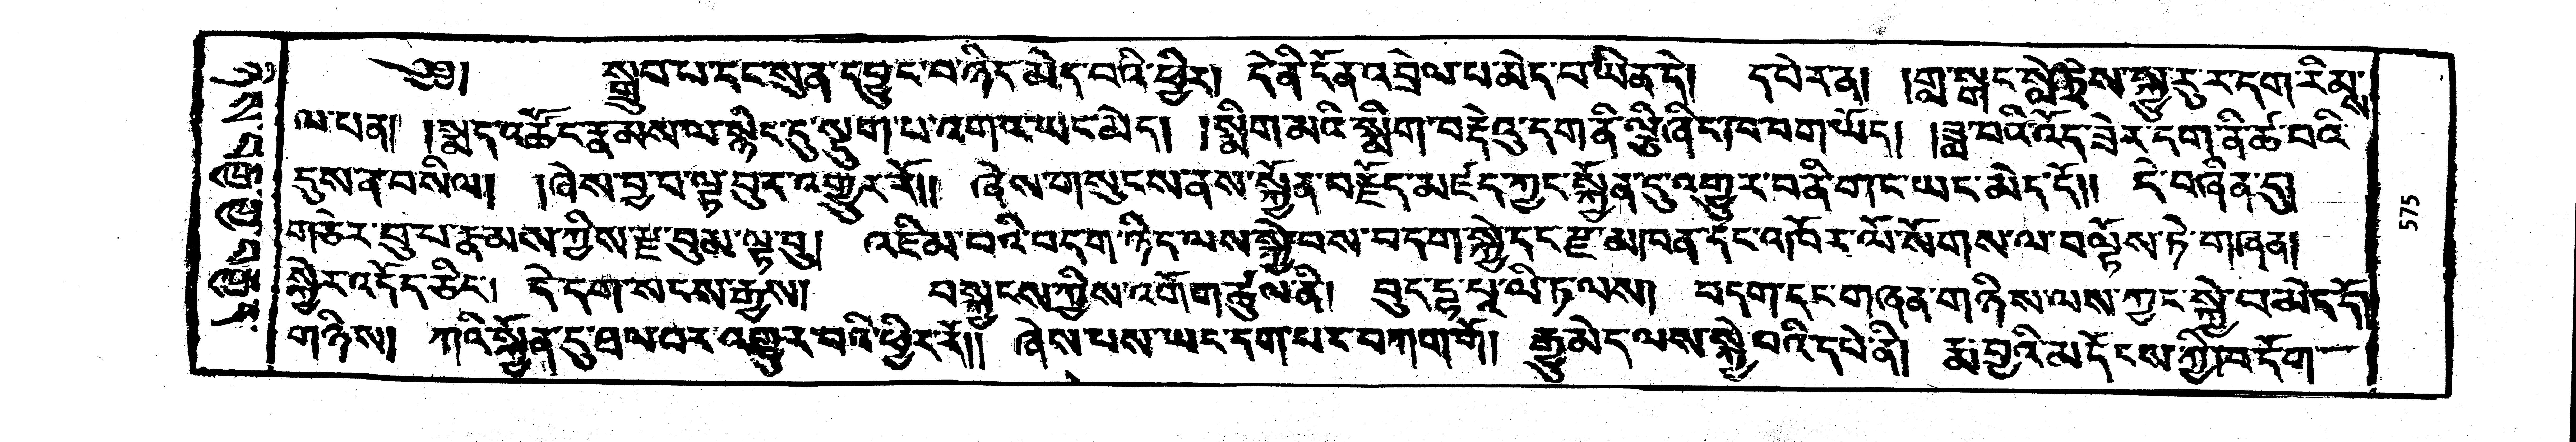༄༅། །སྒྲུབ་པ་དང་སུན་དབྱུང་བ་ཉིད་མེད་པའི་ཕྱིར། དེ་ནི་དོན་འབྲེལ་པ་མེད་པ་ཡིན་དེ། དཔེར་ན། །གླ་སྒང་སླེ་ཏྲེས་སྐྱུ་རུ་ར་དག་རིམས་
ལ་པ་ན། །སྨད་འཚོང་རྣམས་ལ་སྙིང་དུ་སྡུག་པ་འགའ་ཡང་མེད། །སྨིག་མའི་སྨིག་བརྡེའུ་དག་ནི་ལྕི་ཞིང་ཁ་བག་ཡོད། །ཟླ་བའི་འོད་ཟེར་དག་ནི་ཚ་བའི་
དུས་ན་བསིལ། །ཞེས་བྱ་བ་ལྟ་བུར་འགྱུར་རོ།། ཞེས་གསུངས་ནས་སྐྱོན་བརྗོད་མཛད་ཀྱང་སྐྱོན་དུ་འགྱུར་བ་ནི་གང་ཡང་མེད་དོ།། དེ་བཞིན་དུ།
གཅེར་བུ་པ་རྣམས་ཀྱིས་རྫ་བུམ་ལྟ་བུ། འཇིམ་པའི་བདག་ཉིད་ལས་སྐྱེ་བས་བདག་སྐྱེ་དང་རྫ་མཁན་དང་འཁོར་ལོ་སོགས་ལ་བལྟོས་ཏེ་གཞན།
སྐྱེར་འདོད་ཅིང་། དེ་དག་སངས་རྒྱས། བསྐྱངས་ཀྱིས་འགོག་ཚུལ་ནི། བུད་དྷ་པཱ་ལི་ཏ་ལས། བདག་དང་གཞན་གཉིས་ལས་ཀྱང་སྐྱེ་བ་མེད་དོ།
གཉིས། ཀའི་སྐྱོན་དུ་ཐལ་བར་འགྱུར་བའི་ཕྱིར་རོ།། ཞེས་པས་ཡང་དག་པར་བཀག་གོ། རྒྱུ་མེད་ལས་སྐྱེ་བའི་དཔེ་ནི། རྨ་བྱའི་མདོངས་ཀྱི་ཁ་དོག་